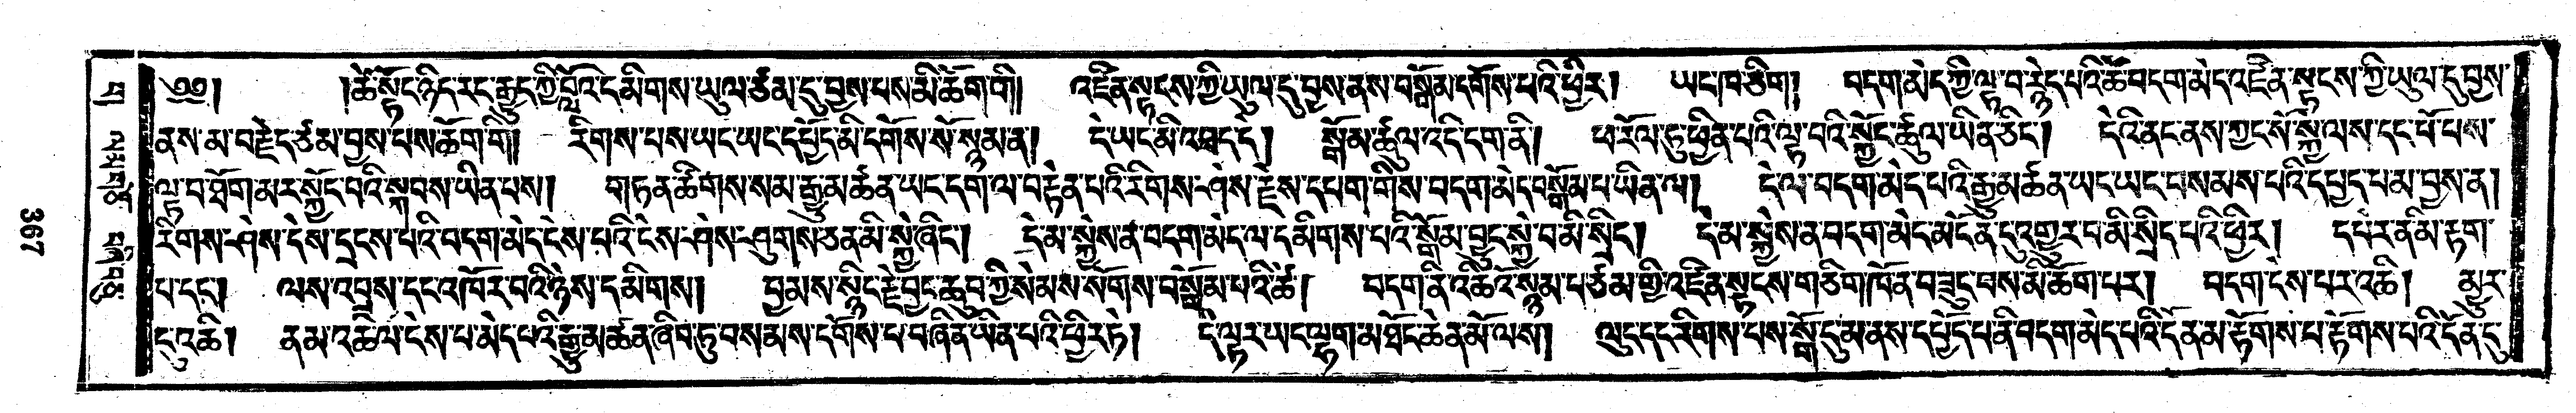༄༅། །ཚེ་སྟོང་ཉིད་རང་རྒྱུད་ཀྱི་བློའི་དམིགས་ཡུལ་ཙམ་དུ་བྱས་པས་མི་ཆོག་གི། འཛིན་སྟངས་ཀྱི་ཡུལ་དུ་བྱས་ནས་བསྒོམ་དགོས་པའི་ཕྱིར། ཡང་ཁ་ཅིག། བདག་མེད་ཀྱི་ལྟ་བ་རྙེད་པའི་ཆོ་བདག་མེད་འཛིན་སྟངས་ཀྱི་ཡུལ་དུ་བྱས་
ནས་མ་བརྗེད་ཙམ་བྱས་པས་ཆོག་གི། རིགས་པས་ཡང་ཡང་དཔྱོད་མི་དགོས་སོ་སྙམ་ན། དེ་ཡང་མི་འཐད་དེ། སྒོམ་ཚུལ་འདི་དག་ནི། ཕ་རོལ་ཏུ་ཕྱིན་པའི་ལྟ་བའི་སྐྱོང་ཚུལ་ཡིན་ཅིང་། དེའི་ནང་ནས་ཀྱང་སོ་སྐྱེ་ལས་དང་པོ་པས་
ལྟ་བ་ཐོག་མར་སྐྱོང་བའི་སྐབས་ཡིན་པས། གཏན་ཚིགས་སམ་རྒྱུ་མཚན་ཡང་དག་ལ་བརྟེན་པའི་རིགས་ཤེས་རྗེས་དཔག་གིས་བདག་མེད་བསྒོམ་པ་ཡིན་ལ། དེ་ལ་བདག་མེད་པའི་རྒྱུ་མཚན་ཡང་ཡང་བསམས་པའི་དཔྱད་པ་མ་བྱས་ན།
རིགས་ཤེས་དེས་དྲངས་པའི་བདག་མེད་ངེས་པའི་ངེས་ཤེས་ཤུགས་ཅན་མི་སྐྱེ་ཞིང་། དེ་མ་སྐྱེས་ན་བདག་མེད་ལ་དམིགས་པའི་སྒོམ་བྱུང་སྐྱེ་བ་མི་སྲིད། དེ་མ་སྐྱེས་ན་བདག་མེད་མངོན་དུ་འགྱུར་བ་མི་སྲིད་པའི་ཕྱིར། དཔེར་ན་མི་རྟག་
པ་དང་། ལས་འབྲས་དང་འཁོར་བའི་ཉེས་དམིགས། བྱམས་སྙིང་རྗེ་བྱང་ཆུབ་ཀྱི་སེམས་སོགས་བསྒོམ་པའི་ཚེ། བདག་ནི་འཆིའོ་སྙམ་པ་ཙམ་གྱི་འཛིན་སྟངས་གཅིག་ཁོ་ན་བཟུང་བས་མི་ཆོག་པར། བདག་ངེས་པར་འཆི། མྱུར་
དུ་འཆི། ནམ་འཆི་ལ་ངེས་པ་མེད་པའི་རྒྱུ་མཚན་ཞིབ་ཏུ་བསམས་དགོས་པ་བཞིན་ཡིན་པའི་ཕྱིར་ཏེ། དེ་ལྟར་ཡང་ལྷག་མཐོང་ཆེན་མོ་ལས། ལུང་དང་རིགས་པས་སྒོ་དུ་མ་ནས་དཔྱོད་པ་ནི་བདག་མེད་པའི་དོན་མ་རྟོགས་པ་རྟོགས་པའི་དོན་དུ་